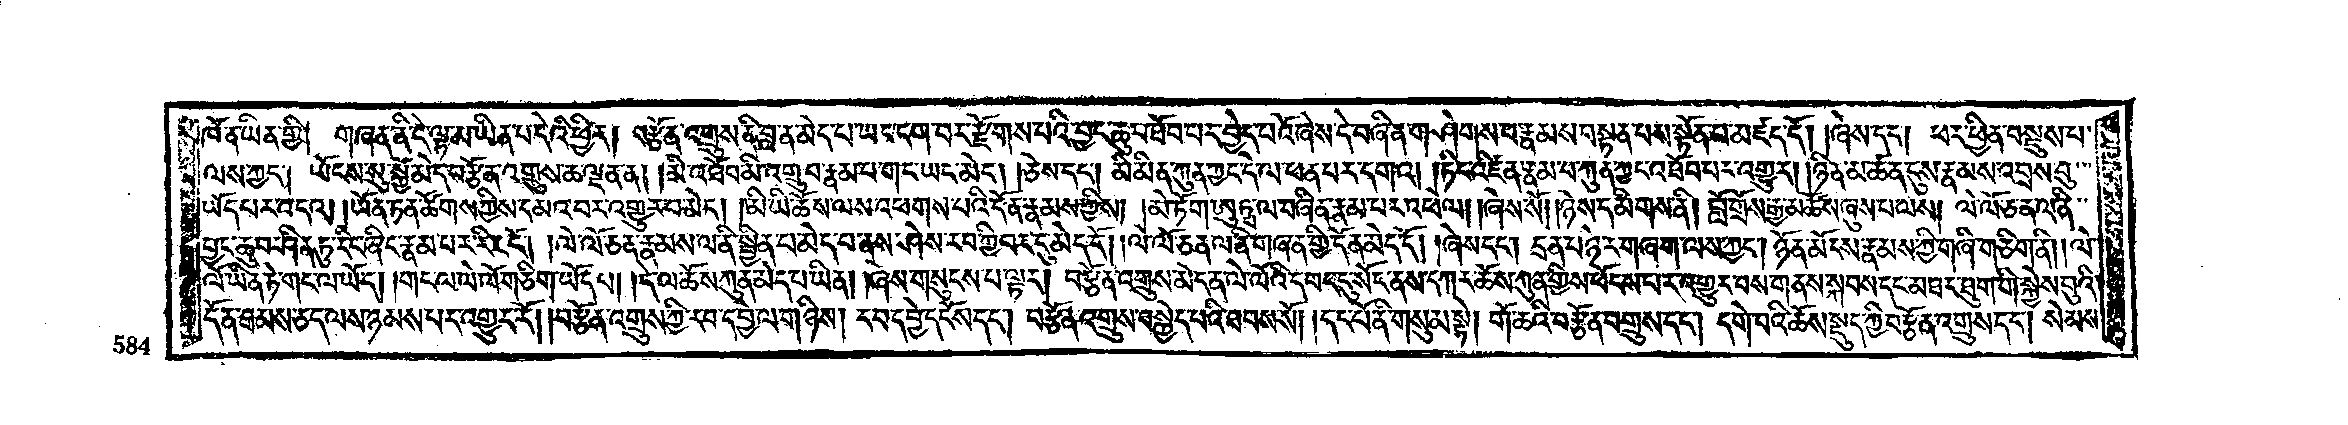ཁོ་ན་ཡིན་གྱི། གཞན་ནི་དེ་ལྟ་མ་ཡིན་པ་དེའི་ཕྱིར། བརྩོན་འགྲུས་ནི་བླ་ན་མེད་པ་ཡང་དག་པར་རྫོགས་པའི་བྱང་ཆུབ་ཐོབ་པར་བྱེད་པའོ་ཞེས་དེ་བཞིན་གཤེགས་པ་རྣམས་བསྟན་པས་སྟོན་པ་མཛད་དོ། །ཞེས་དང་། ཕར་ཕྱིན་བསྡུས་པ་
ལས་ཀྱང་། ཡོངས་སུ་སྐྱོ་མེད་བརྩོན་འགྲུས་ཆེ་ལྡན་ན། །མི་འཐོབ་མི་འགྲུབ་རྣམ་པ་གང་ཡང་མེད། །ཅེས་དང་། མི་མིན་ཀུན་ཀྱང་དེ་ལ་ཕན་པར་དགའ། །ཏིང་འཛིན་རྣམ་པ་ཀུན་ཀྱང་འཐོབ་པར་འགྱུར། །ཉིན་མཚན་དུས་རྣམས་འབྲས་བུ་
ཡོད་པར་འདའ། །ཡོན་ཏན་ཚོགས་ཀྱིས་དམའ་བར་འགྱུར་བ་མེད། །མི་ཡི་ཆོས་ལས་འཕགས་པའི་དོན་རྣམས་ཀྱིས། །མེ་ཏོག་ཨུཏྤ་ལ་བཞིན་རྣམ་པར་འཕེལ། །ཞེས་སོ། །ཉེས་དམིགས་ནི། བློ་གྲོས་རྒྱ་མཚོས་ཞུས་པ་ལས། ལེ་ལོ་ཅན་ལ་ནི་
བྱང་ཆུབ་ཤིན་ཏུ་རིང་ཞིང་རྣམ་པར་རིང་ངོ། །ལེ་ལོ་ཅན་རྣམས་ལ་ནི་སྦྱིན་པ་མེད་པ་ནས་ཤེས་རབ་ཀྱི་བར་དུ་མེད་དོ། །ལེ་ལོ་ཅན་ལ་ནི་གཞན་གྱི་དོན་མེད་དོ། །ཞེས་དང་། དྲན་པ་ཉེར་གཞག་ལས་ཀྱང་། ཉོན་མོངས་རྣམས་ཀྱི་གཞི་གཅིག་ནི། །ལེ་
ལོ་ཡིན་ཏེ་གང་ལ་ཡོད། །གང་ལ་ལེ་ལོ་གཅིག་ཡོད་པ། །དེ་ལ་ཆོས་ཀུན་མེད་པ་ཡིན། །ཞེས་གསུངས་པ་ལྟར། བརྩོན་འགྲུས་མེད་ན་ལེ་ལོའི་དབང་དུ་སོང་ནས་དཀར་ཆོས་ཀུན་གྱིས་ཕོངས་པར་འགྱུར་བས་གནས་སྐབས་དང་མཐར་ཐུག་གི་སྐྱེས་བུའི་
དོན་ཐམས་ཅད་ལས་ཉམས་པར་འགྱུར་རོ། །བརྩོན་འགྲུས་ཀྱི་རབ་དབྱེ་ལ་གཉིས། རབ་དབྱེ་དངོས་དང་། བརྩོན་འགྲུས་བསྐྱེད་པའི་ཐབས་སོ། །དང་པོ་ནི་གསུམ་སྟེ། གོ་ཆའི་བརྩོན་འགྲུས་དང་། དགེ་བའི་ཆོས་སྡུད་ཀྱི་བརྩོན་འགྲུས་དང་། སེམས་